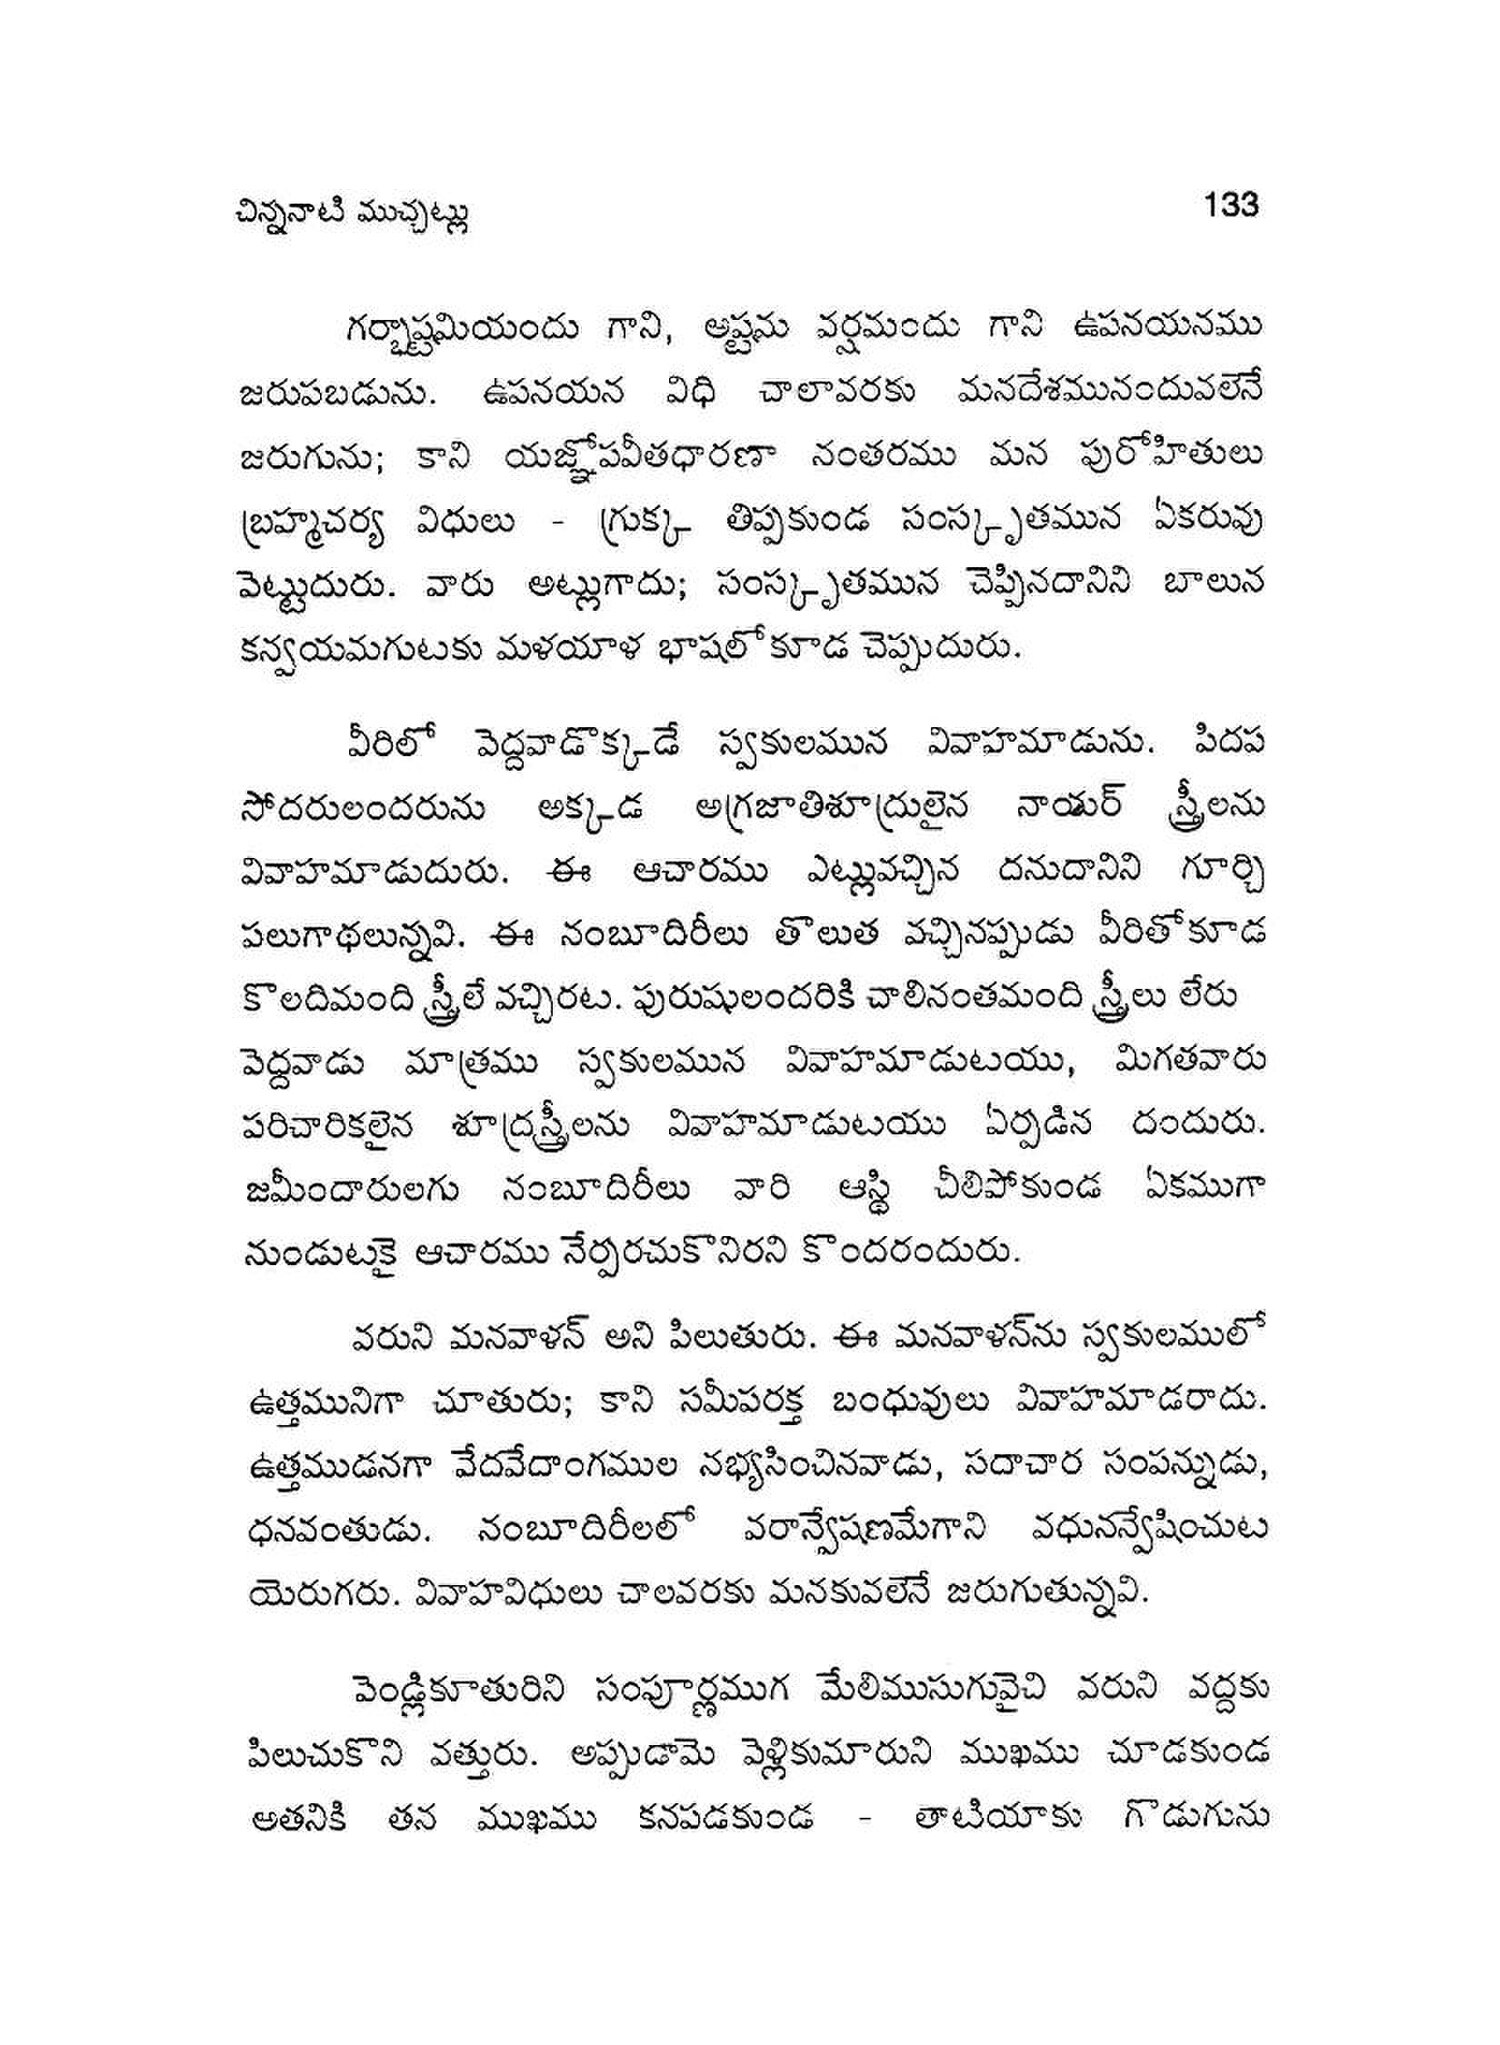గర్భాష్టమియందు గాని, అష్టమ వర్షమందు గాని ఉపనయనము జరుపబడును. ఉపనయన విధి చాలావరకు మనదేశమునందువలెనే జరుగును; కాని యజ్ఞోపవీతధారణా నంతరము మన పురోహితులు బ్రహ్మచర్య విధులు - గ్రుక్క తిప్పకుండ సంస్కృతమున ఏకరువు పెట్టుదురు. వారు అట్లుగాదు; సంస్కృతమున చెప్పినదానిని బాలున కన్వయమగుటకు మళయాళ భాషలో కూడ చెప్పదురు.

వీరిలో పెద్దవాడొక్కడే స్వకులమున వివాహమాడును. పిదప సోదరులందరును అక్కడ అగ్రజాతిశూద్రులైన నాయర్ స్త్రీలను వివాహమాడుదురు. ఈ ఆచారము ఎట్లువచ్చిన దనుదానిని గూర్చి పలుగాథలున్నవి. ఈ నంబూదిరీలు తొలుత వచ్చినప్పుడు వీరితో కూడ కొలదిమంది స్త్రీలే వచ్చిరట. పురుషులందరికి చాలినంతమంది స్త్రీలు లేరు పెద్దవాడు మాత్రము స్వకులమున వివాహమాడుటయు, మిగతవారు పరిచారికలైన శూద్రస్త్రీలను వివాహమాడుటయు ఏర్పడిన దందురు. జమీందారులగు నంబూదిరీలు వారి ఆస్థి చీలిపోకుండ ఏకముగా నుండుటకై ఆచారము నేర్పరచుకొనిరని కొందరందురు.

వరుని మనవాళన్ అని పిలుతురు. ఈ మనవాళన్ను స్వకులములో ఉత్తమునిగా చూతురు; కాని సమీపరక్త బంధువులు వివాహమాడరాదు. ఉత్తముడనగా వేదవేదాంగముల నభ్యసించినవాడు, సదాచార సంపన్నుడు, ధనవంతుడు. నంబూదిరీలలో వరాన్వేషణమేగాని వధునన్వేషించుట యెరుగరు. వివాహవిధులు చాలవరకు మనకువలెనే జరుగుతున్నవి.

పెండ్లికూతురిని సంపూర్ణముగ మేలిముసుగువైచి వరుని వద్దకు పిలుచుకొని వత్తురు. అప్పడామె పెళ్లికుమారుని ముఖము చూడకుండ అతనికి తన ముఖము కనపడకుండ - తాటియాకు గొడుగును